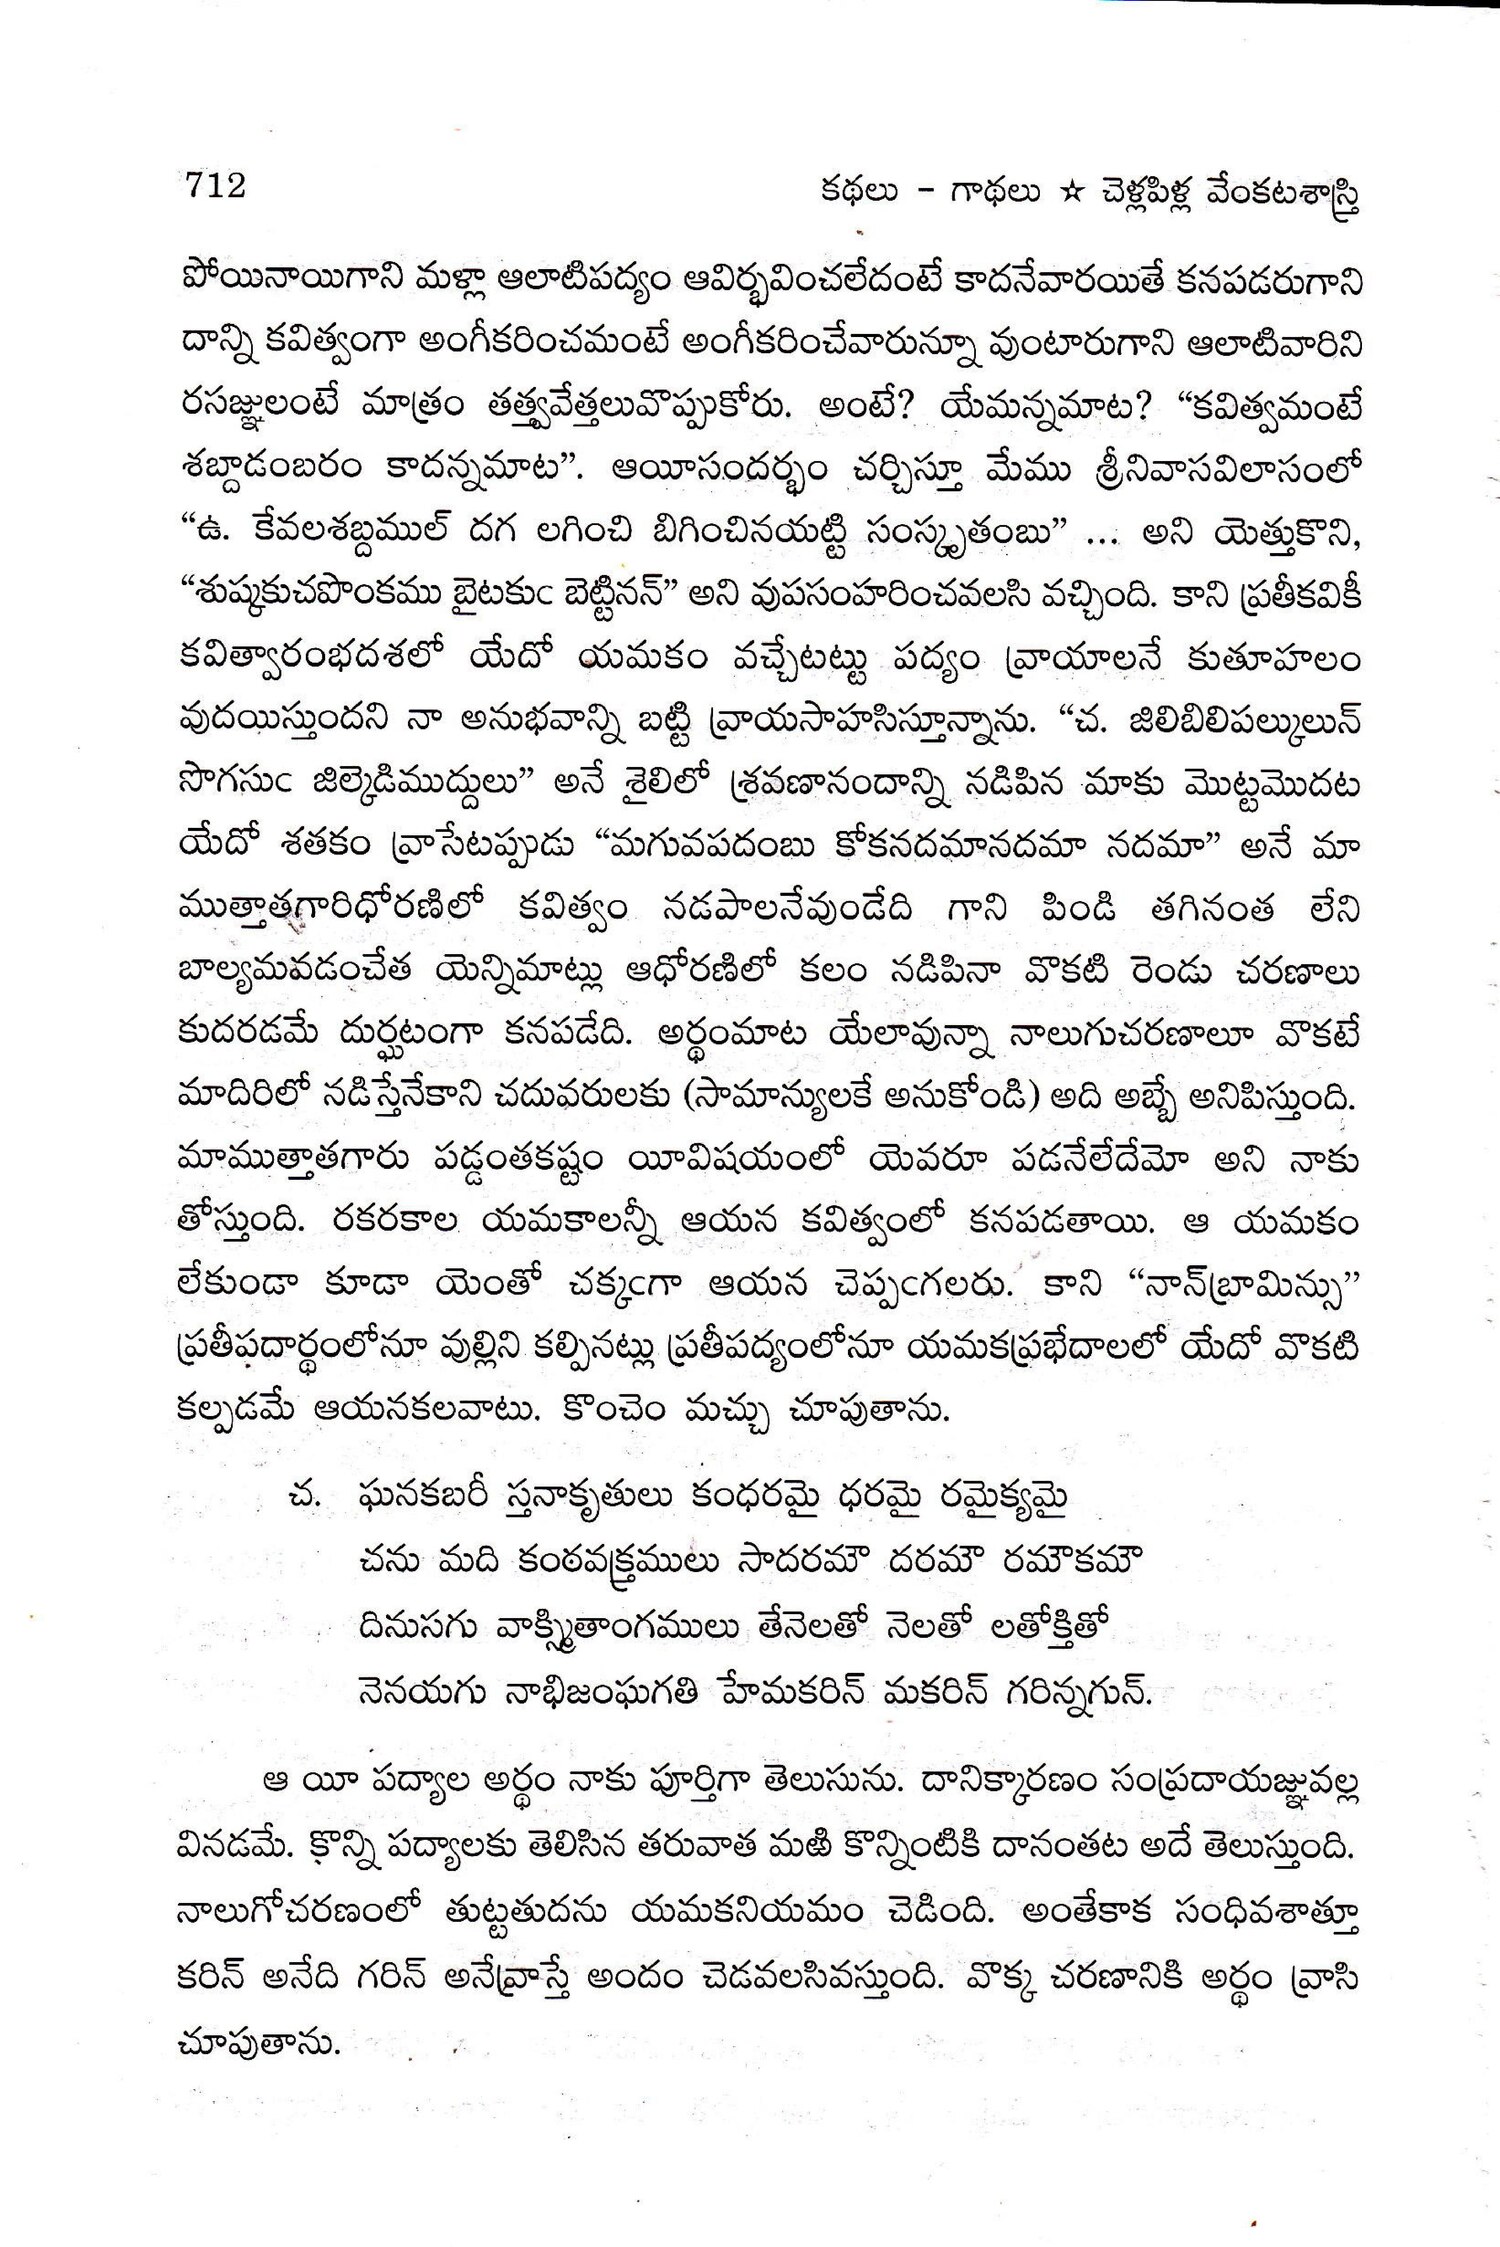పోయినాయిగాని మళ్లా ఆలాటిపద్యం ఆవిర్భవించలేదంటే కాదనేవారయితే కనపడరుగాని దాన్ని కవిత్వంగా అంగీకరించమంటే అంగీకరించేవారున్నూ వుంటారుగాని ఆలాటివారిని రసజ్ఞులంటే మాత్రం తత్త్వవేత్తలువొప్పుకోరు. అంటే? యేమన్నమాట? "కవిత్వమంటే శబ్దాడంబరం కాదన్నమాట". ఆయీసందర్భం చర్చిస్తూ మేము శ్రీనివాసవిలాసంలో “ఉ. కేవలశబ్దముల్ దగ లగించి బిగించినయట్టి సంస్కృతంబు" ... అని యెత్తుకొని, “శుష్కకుచపొంకము బైటకుఁ బెట్టినన్" అని వుపసంహరించవలసి వచ్చింది. కాని ప్రతీకవికీ కవిత్వారంభదశలో యేదో యమకం వచ్చేటట్టు పద్యం వ్రాయాలనే కుతూహలం వుదయిస్తుందని నా అనుభవాన్ని బట్టి వ్రాయసాహసిస్తూన్నాను. “చ. జిలిబిలిపల్కులున్ సొగసుఁ జిల్కెడిముద్దులు” అనే శైలిలో శ్రవణానందాన్ని నడిపిన మాకు మొట్టమొదట యేదో శతకం వ్రాసేటప్పుడు "మగువపదంబు కోకనదమానదమా నదమా” అనే మా ముత్తాతగారిధోరణిలో కవిత్వం నడపాలనేవుండేది గాని పిండి తగినంత లేని బాల్యమవడంచేత యెన్నిమాట్లు ఆధోరణిలో కలం నడిపినా వొకటి రెండు చరణాలు కుదరడమే దుర్ఘటంగా కనపడేది. అర్ధంమాట యేలావున్నా నాలుగుచరణాలూ వొకటే మాదిరిలో నడిస్తేనేకాని చదువరులకు (సామాన్యులకే అనుకోండి) అది అబ్బే అనిపిస్తుంది. మాముత్తాతగారు పడ్డంతకష్టం యీవిషయంలో యెవరూ పడనేలేదేమో అని నాకు తోస్తుంది. రకరకాల యమకాలన్నీ ఆయన కవిత్వంలో కనపడతాయి. ఆ యమకం లేకుండా కూడా యెంతో చక్కఁగా ఆయన చెప్పఁగలరు. కాని “నాన్‌బ్రామిన్సు" ప్రతీపదార్థంలోనూ వుల్లిని కల్పినట్లు ప్రతీపద్యంలోనూ యమకప్రభేదాలలో యేదో వొకటి కల్పడమే ఆయనకలవాటు. కొంచెం మచ్చు చూపుతాను.

చ. ఘనకబరీ స్తనాకృతులు కంధరమై ధరమై రమైక్యమై
 చను మది కంఠవక్త్రములు సాదరమౌ దరమౌ రమౌకమౌ
 దినుసగు వాక్స్మితాంగములు తేనెలతో నెలతో లతోక్తితో 
 నెనయగు నాభిజంఘగతి హేమకరిన్ మకరిన్ గరిన్నగున్.
ఆ యీ పద్యాల అర్థం నాకు పూర్తిగా తెలుసును. దానిక్కారణం సంప్రదాయజ్ఞువల్ల వినడమే. కొన్ని పద్యాలకు తెలిసిన తరువాత మఱి కొన్నింటికి దానంతట అదే తెలుస్తుంది. నాలుగోచరణంలో తుట్టతుదను యమకనియమం చెడింది. అంతేకాక సంధివశాత్తూ కరిన్ అనేది గరిన్ అనే వ్రాస్తే అందం చెడవలసివస్తుంది. వొక్క చరణానికి అర్థం వ్రాసి
చూపుతాను.